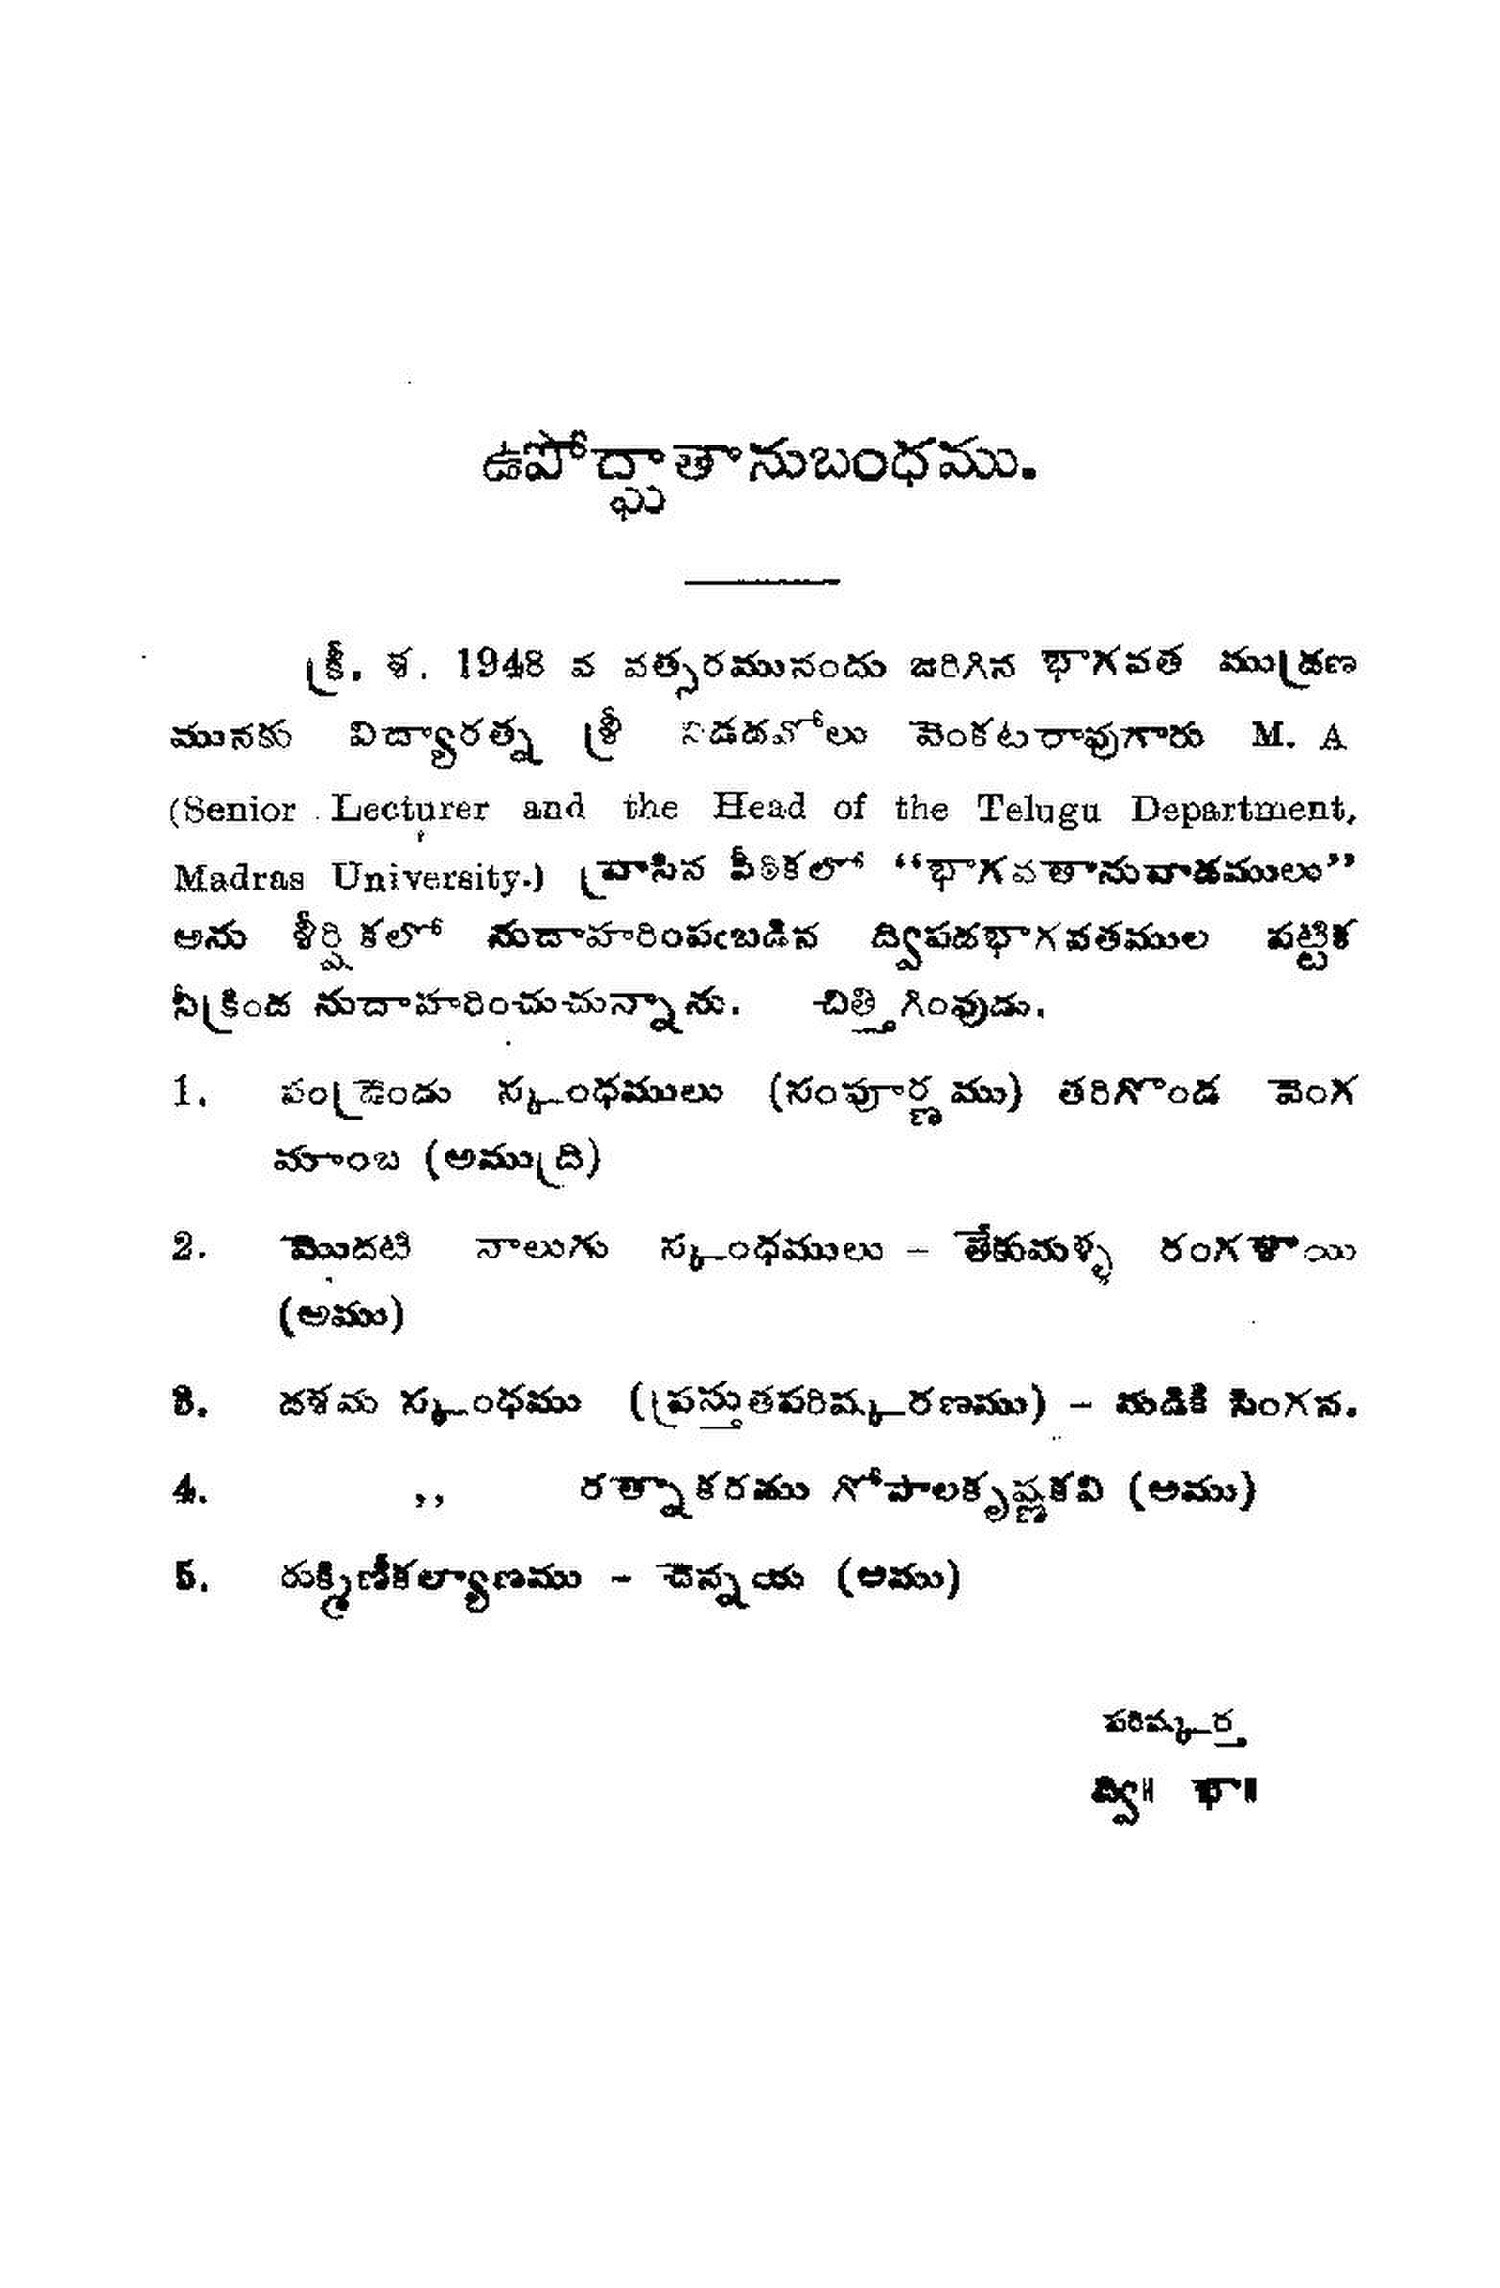ఉపోద్ఘాతానుబంధము
క్రీ. శ. 1948వ వత్సరమునందు జరిగిన భాగవత ముద్రణమునకు విద్యారత్న శ్రీ నిడదవోలు వెంకటరావుగారు M. A. (Senior Lecturer and the Head of the Telugu Department, Madras University.) వ్రాసిన పీఠికలో “భాగవతానువాదములు” అను శీర్షికలో నదహరింపఁబడిన ద్విపదభాగవతముల పట్టిక నీక్రింద నుదహరించుచున్నాను. చిత్తగింపుడు. 
 పండ్రెండు స్కంధములు (సంపూర్ణము) – తరిగొండ వెంగమాంబ (అముద్రి)
 మొదటినాలుగు స్కంధములు — తేకుమళ్ళ రంగసాయి (అము)
 దశమస్కంధము (ప్రస్తుత పరిష్కరణము)—మడికి సింగన. 
 దశమస్కంధము. రత్నాకరము గోపాలకృష్ణకవి (అము)
 రుక్మిణీకల్యాణము —చెన్నయ (అము)